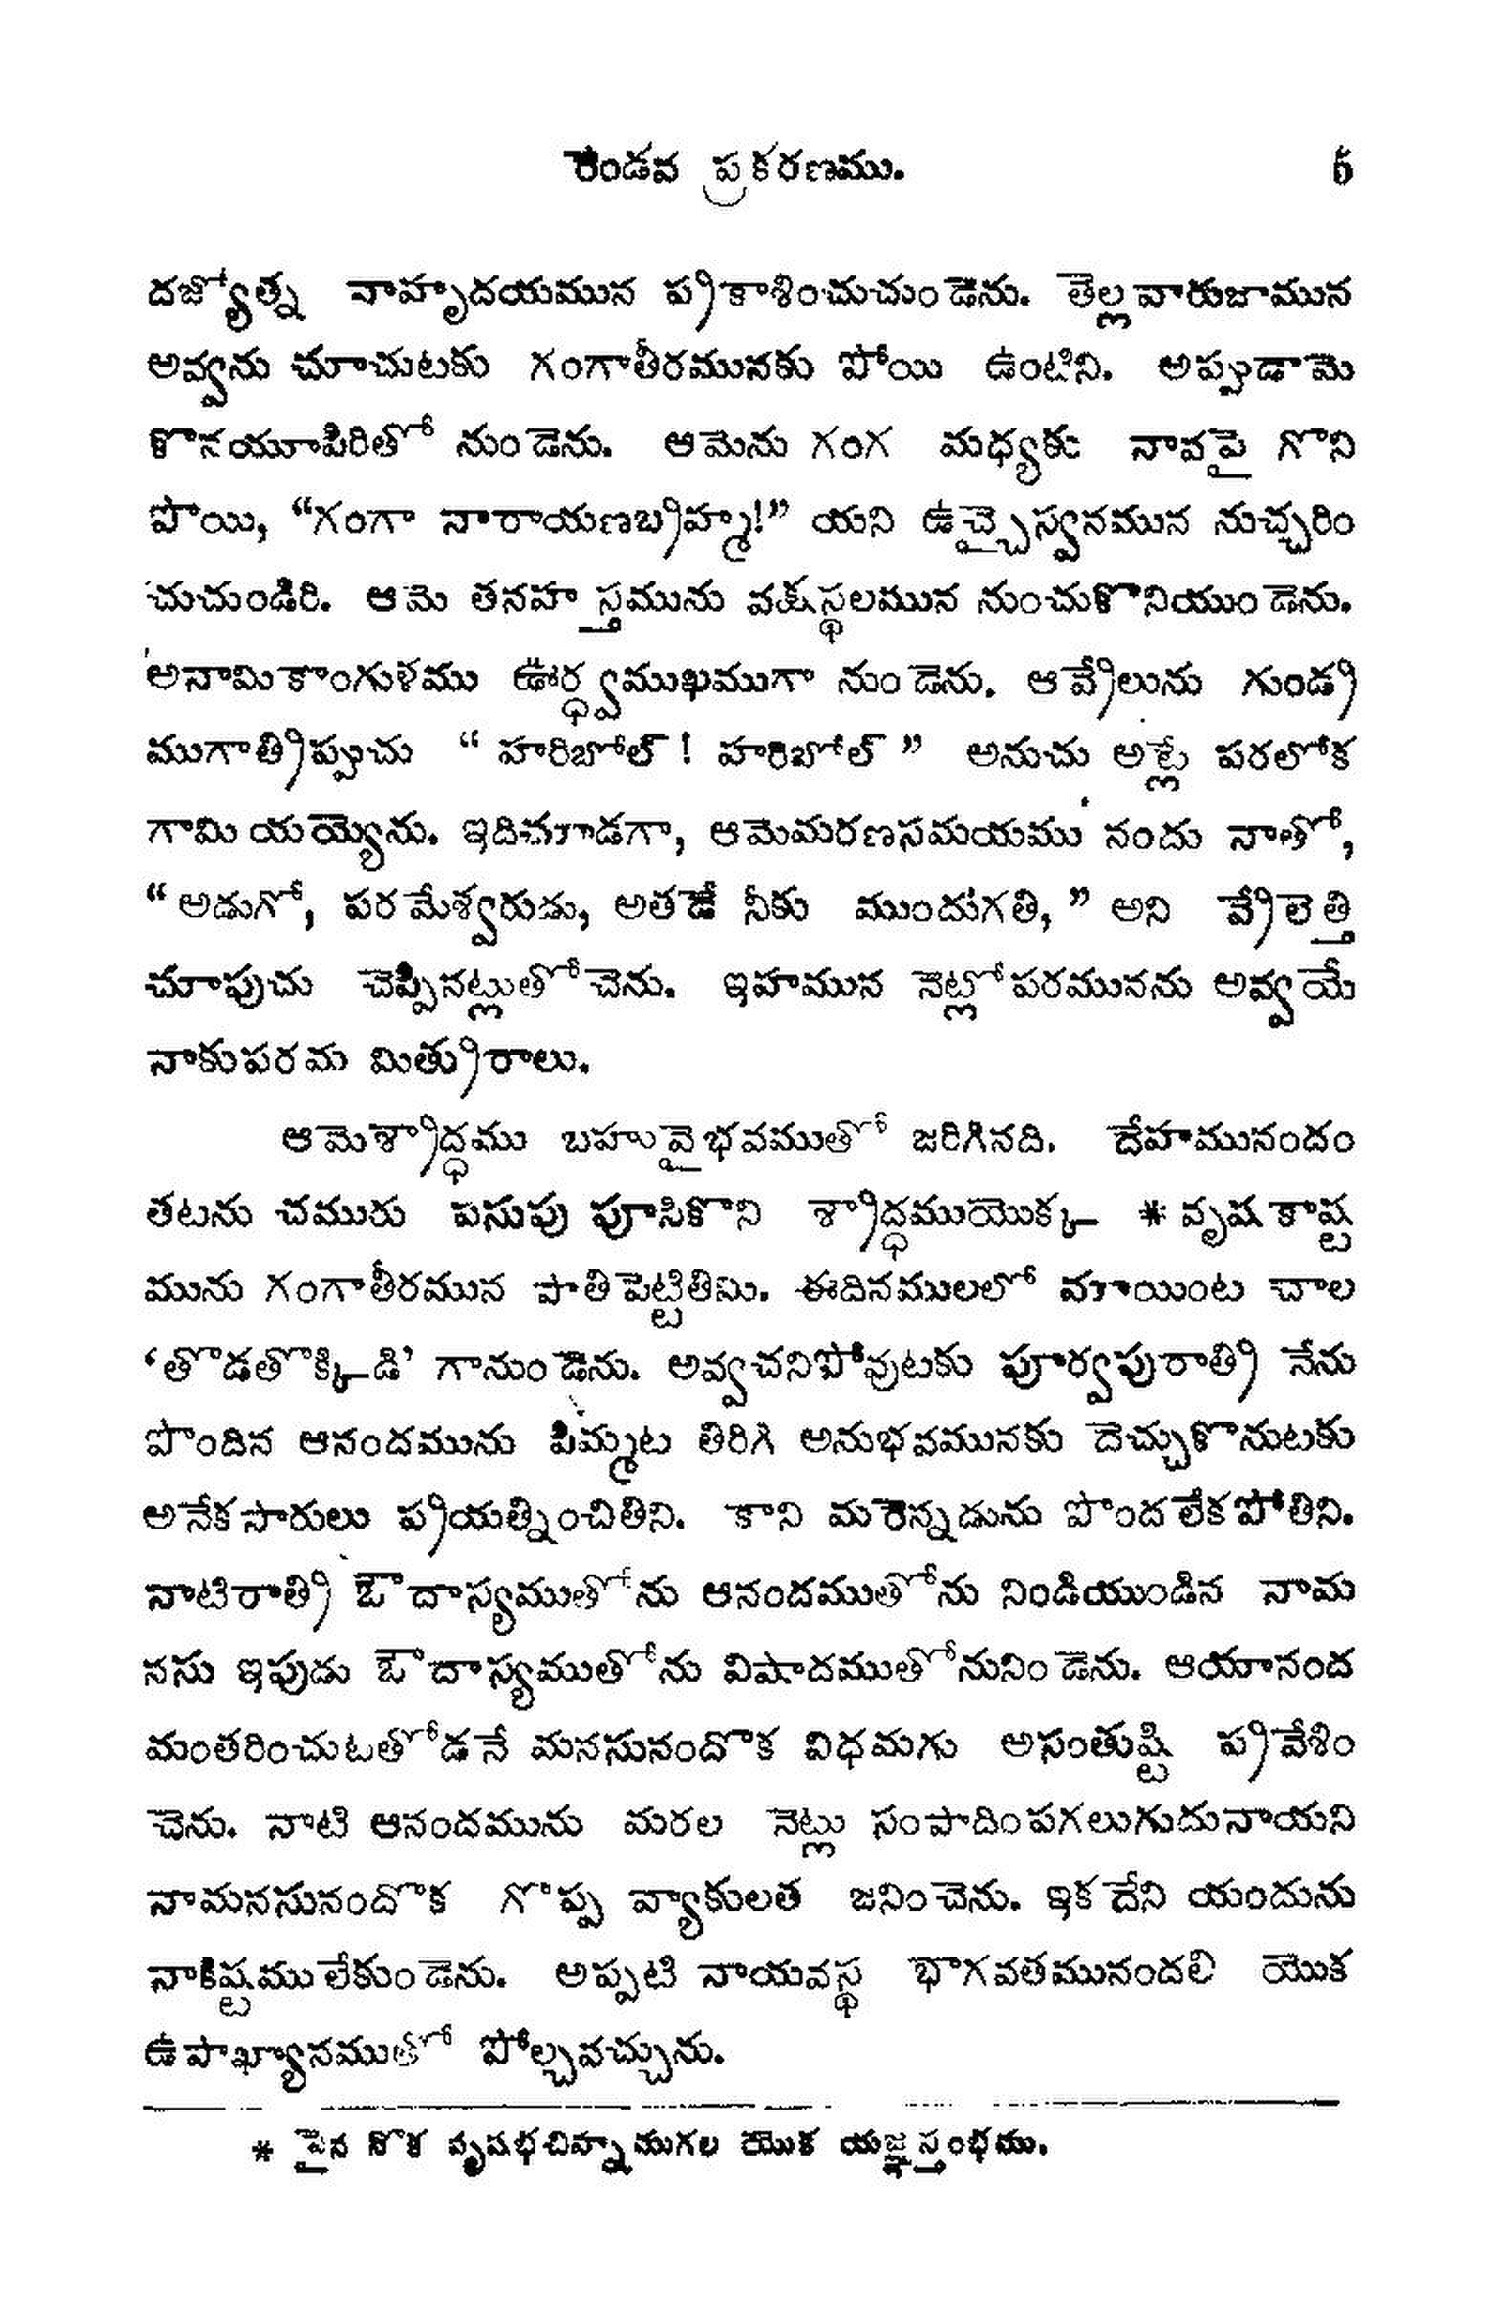దజ్యోత్న నాహృదయమున ప్రకాశించుచుండెను. తెల్లవారుజామున అవ్వను చూచుటకు గంగాతీరమునకు పోయి ఉంటిని. అప్పుడామె కొనయూపిరితో నుండెను. ఆమెను గంగ మధ్యకు నావపై గొనిపోయి, “గంగా నారాయణబ్రహ్మ!” యని ఉచ్చైస్వనమున నుచ్చరించుచుండిరి. ఆమె తనహస్తమును వక్షస్థలమున నుంచుకొనియుండెను. అనామికాంగుళము ఊర్ధ్వముఖముగా నుండెను. ఆ వేలును గుండ్రముగాత్రిప్పుచు “హరిబోల్! హరిబోల్” అనుచు అట్లే పరలోక గామియయ్యెను. ఇది చూడగా, ఆమెమరణ సమయము నందు నాతో, “అడుగో, పరమేశ్వరుడు, అతడే నీకు ముందుగతి,” అని వ్రేలెత్తి చూపుచు చెప్పినట్లు తోచెను. ఇహమున నెట్లో పరమునను అవ్వయే నాకు పరమ మిత్రురాలు.

ఆమెశ్రాద్ధము బహువైభవముతో జరిగినది. దేహమునందంతటను చమురు పసుపు పూసికొని శ్రాద్ధముయొక్క • వృష కాష్టమును గంగాతీరమున పాతిపెట్టితిమి. ఈదినములలో మాయింట చాల ‘తొడతొక్కిడి’ గానుండెను. అవ్వచనిపోవుటకు పూర్వపురాత్రి నేను పొందిన ఆనందమును పిమ్మట తిరిగి అనుభవమునకు దెచ్చుకొనుటకు అనేక సారులు ప్రయత్నించితిని. కాని మరెన్నడును పొందలేకపోతిని. నాటి రాత్రి ఔదాస్యముతోను ఆనందముతోను నిండియుండిన నామనసు ఇపుడు ఔదాస్యముతోను విషాదముతోనునిండెను. ఆయానంద మంతరించుటతోడనే మనసునందొక విధమగు అసంతుష్టి ప్రవేశంచెను. నాటి ఆనందమును మరల నెట్లు సంపాదింపగలుగుదునా యని నామనసు నందొక గొప్ప వ్యాకులత జనించెను. ఇక దేని యందును నాకిష్టమ లేకుండెను. అప్పటి నాయవస్థ భాగవతమునందలి యొక ఉపాఖ్యానముతో పోల్చవచ్చును.